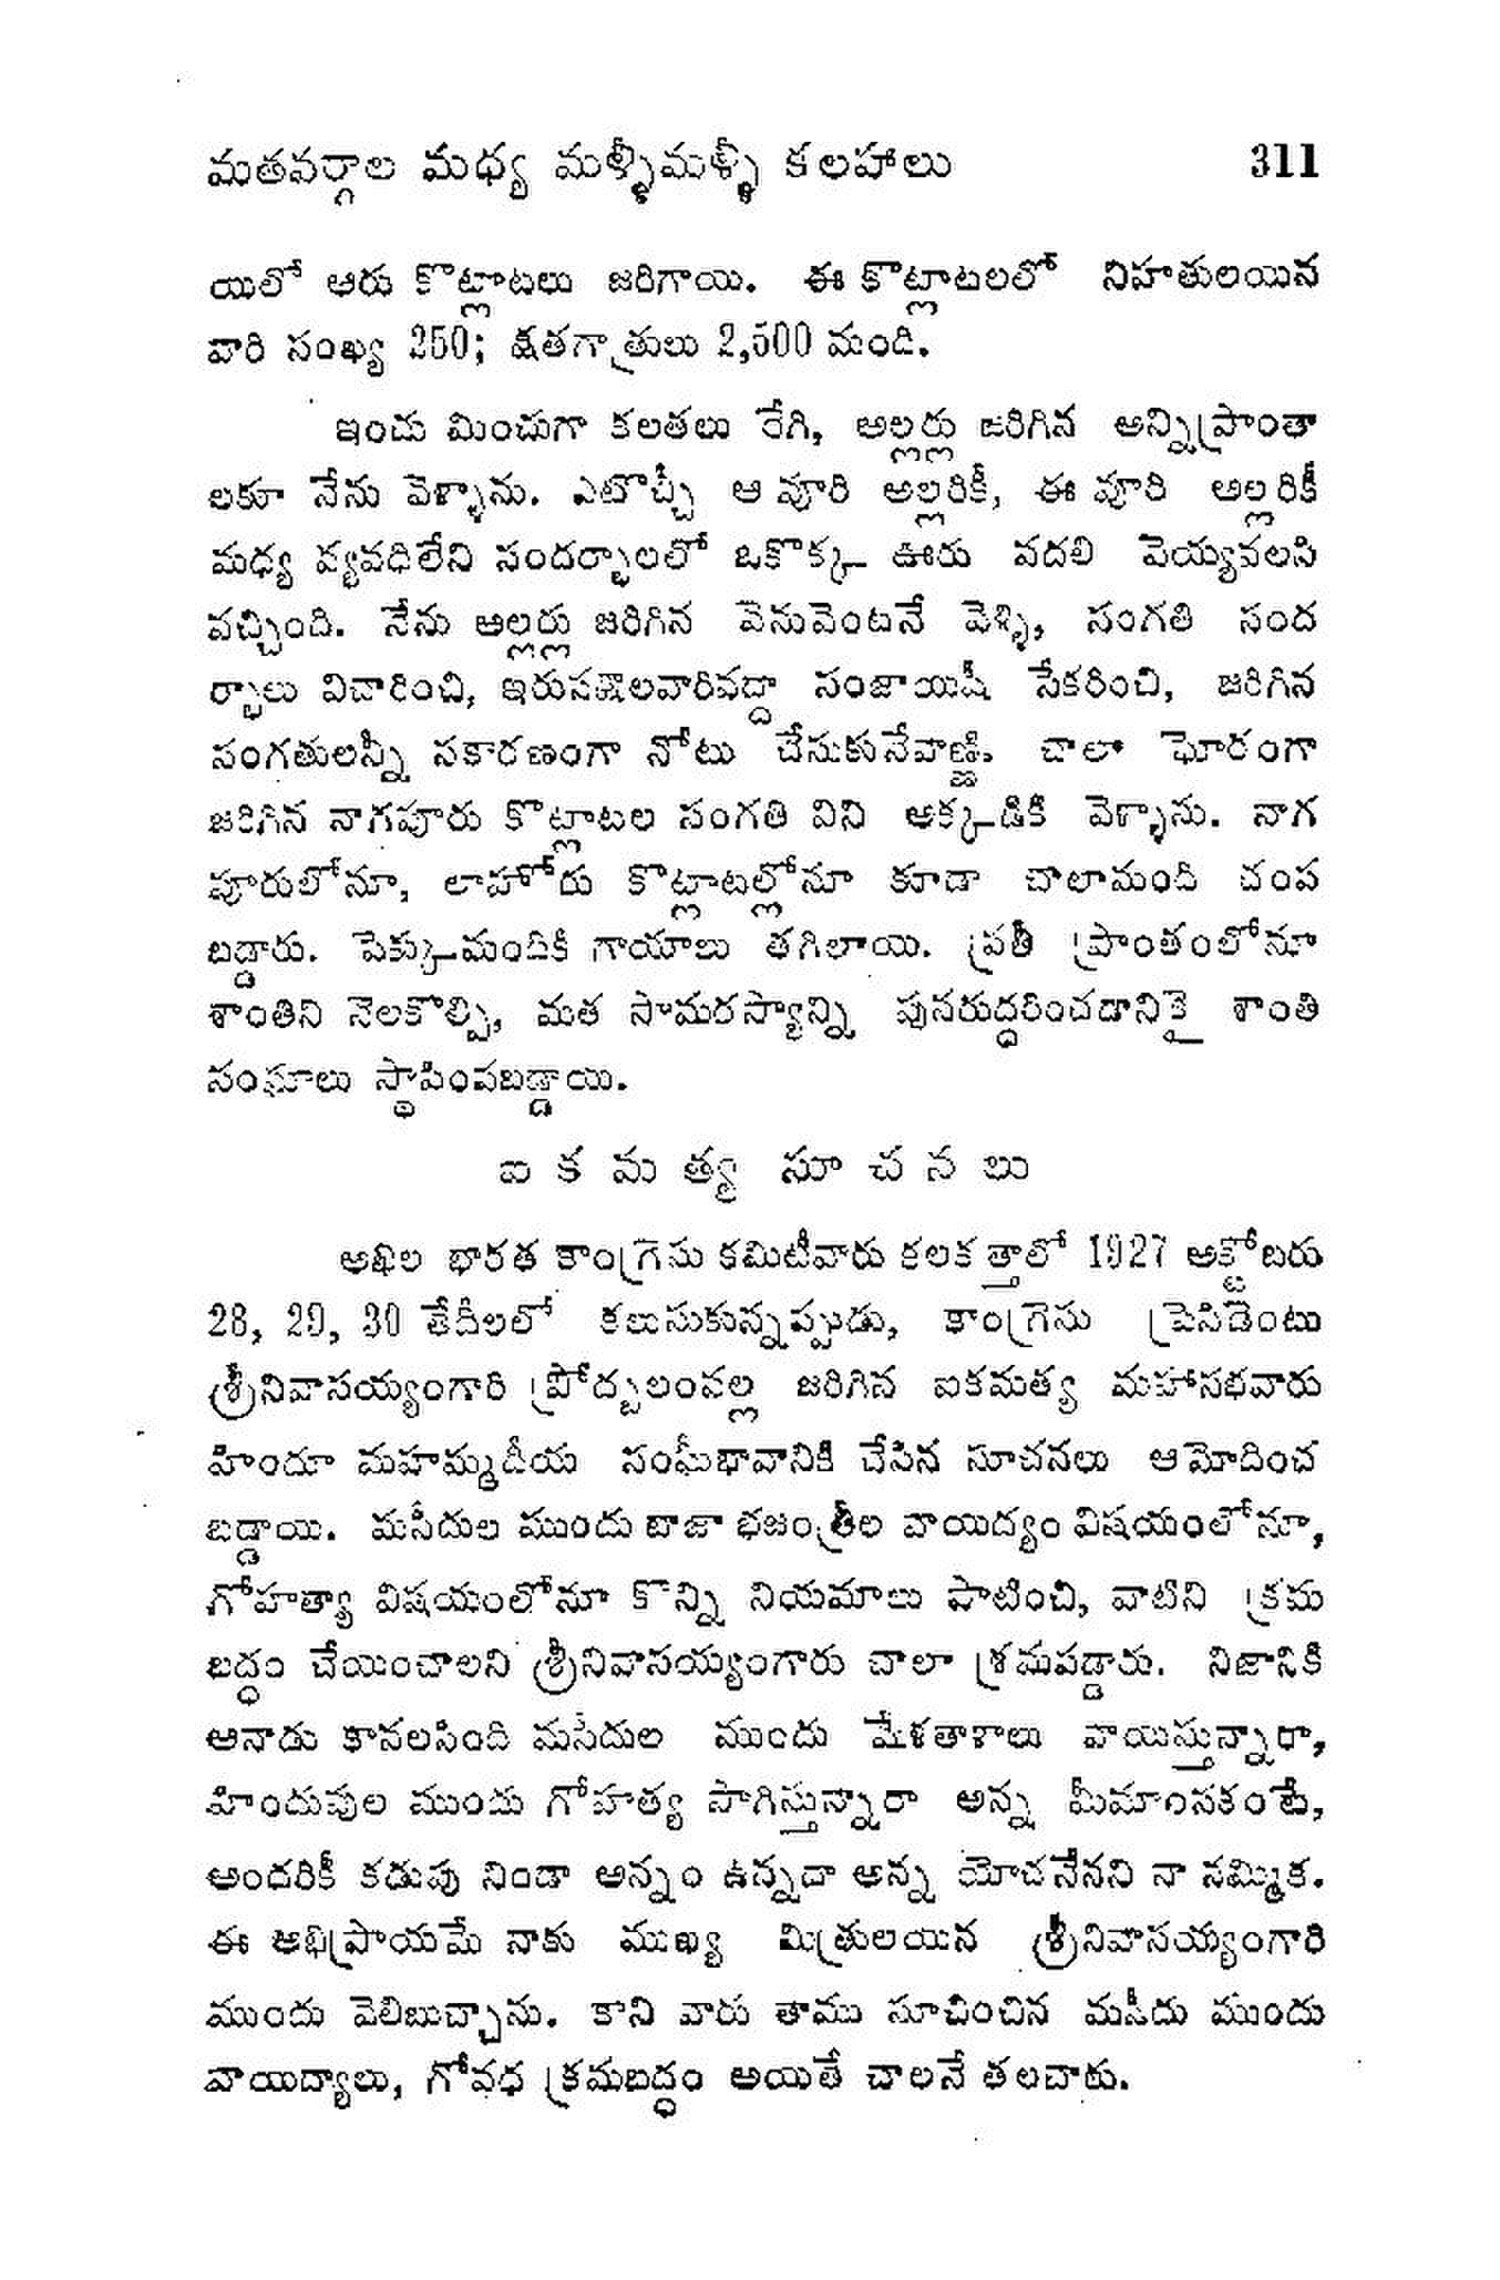యిలో ఆరు కొట్లాటలు జరిగాయి. ఈకొట్లాటలలో నిహతులయిన వారి సంఖ్య 250; క్షతగాత్రులు 2500 మంది.

ఇంచు మించుగా కలతలురేగి, అల్లర్లు జరిగిన అన్నిప్రాంతాలకూ నేను వెళ్ళాను. ఎటొచ్చీ ఆ వూరి అల్లరికీ, ఈ వూరి అల్లరికీ మధ్య వ్యవధిలేని సందర్భాలలో ఒకొక్క ఊరు వదలి వెయ్యవలసి వచ్చింది. నేను అల్లర్లు జరిగిన వెనువెంటనే వెళ్ళి, సంగతి సందర్భాలు విచారించి, ఇరుపక్షాలవారివద్దా సంజాయిషీ, సేకరించి, జరిగిన సంగతులన్నీ సకారణంగా నోటు చేసుకునేవాణ్ణి. చాలా ఘోరంగా జరిగిన నాగపూరు కొట్లాటల సంగతి విని అక్కడికి వెళ్ళాను. నాగపూరులోనూ, లాహోరు కొట్లాటల్లోనూ కూడా చాలామంది చంపబడ్డారు. పెక్కుమందికి గాయాలు తగిలాయి. ప్రతీ ప్రాంతంలోనూ శాంతిని నెలకొల్పి, మత సామరస్యాన్ని పునరుద్ధించడానికై శాంతి సంఘాలు స్థాపింపబడ్డాయి.

అఖిల భారత కాంగ్రెసు కమిటీవారు కలకత్తాలో 1927 అక్టోబరు 28, 29, 30 తేదీలలో కలుసుకున్నప్పుడు, కాంగ్రెసు ప్రెసిడెంటు శ్రీనివాసయ్యంగారి ప్రోద్బలంవల్ల జరిగిన ఐకమత్య మహాసభవారు హిందూ మహమ్మదీయ సంఘీభావానికి చేసిన సూచనలు ఆమోదించ బడ్డాయి. మసీదులముందు బాజా భంత్రీల వాయిద్యం విషయంలోనూ, గోహత్య విషయంలోనూ కొన్ని నియమాలు పాటించి, వాటిని క్రమబద్ధం చేయించాలని శ్రీనివాసయ్యంగారు చాలా శ్రమపడ్డారు. నిజానికి అనాడు కావలసింది మసీదుల ముందు మేళాతాళాలు వాయిస్తున్నారా, హిందువుల ముందు గోహత్య సాగిస్తూన్నారా అన్న మీమాంసకంటే, అందరికీ కడుపు నిండా అన్నం ఉన్నదా అన్న యోచనేనని నా నమ్మిక. ఈ అభిప్రాయమే నాకు ముఖ్య మిత్రులయిన శ్రీనివాసయ్యంగారి ముందు వెలిబుచ్చాను. కాని వారు తాము సూచించిన మసీదు ముందు వాయిద్యాలు, గోవధ క్రమబద్ధం అయితే చాలనే తలచారు.